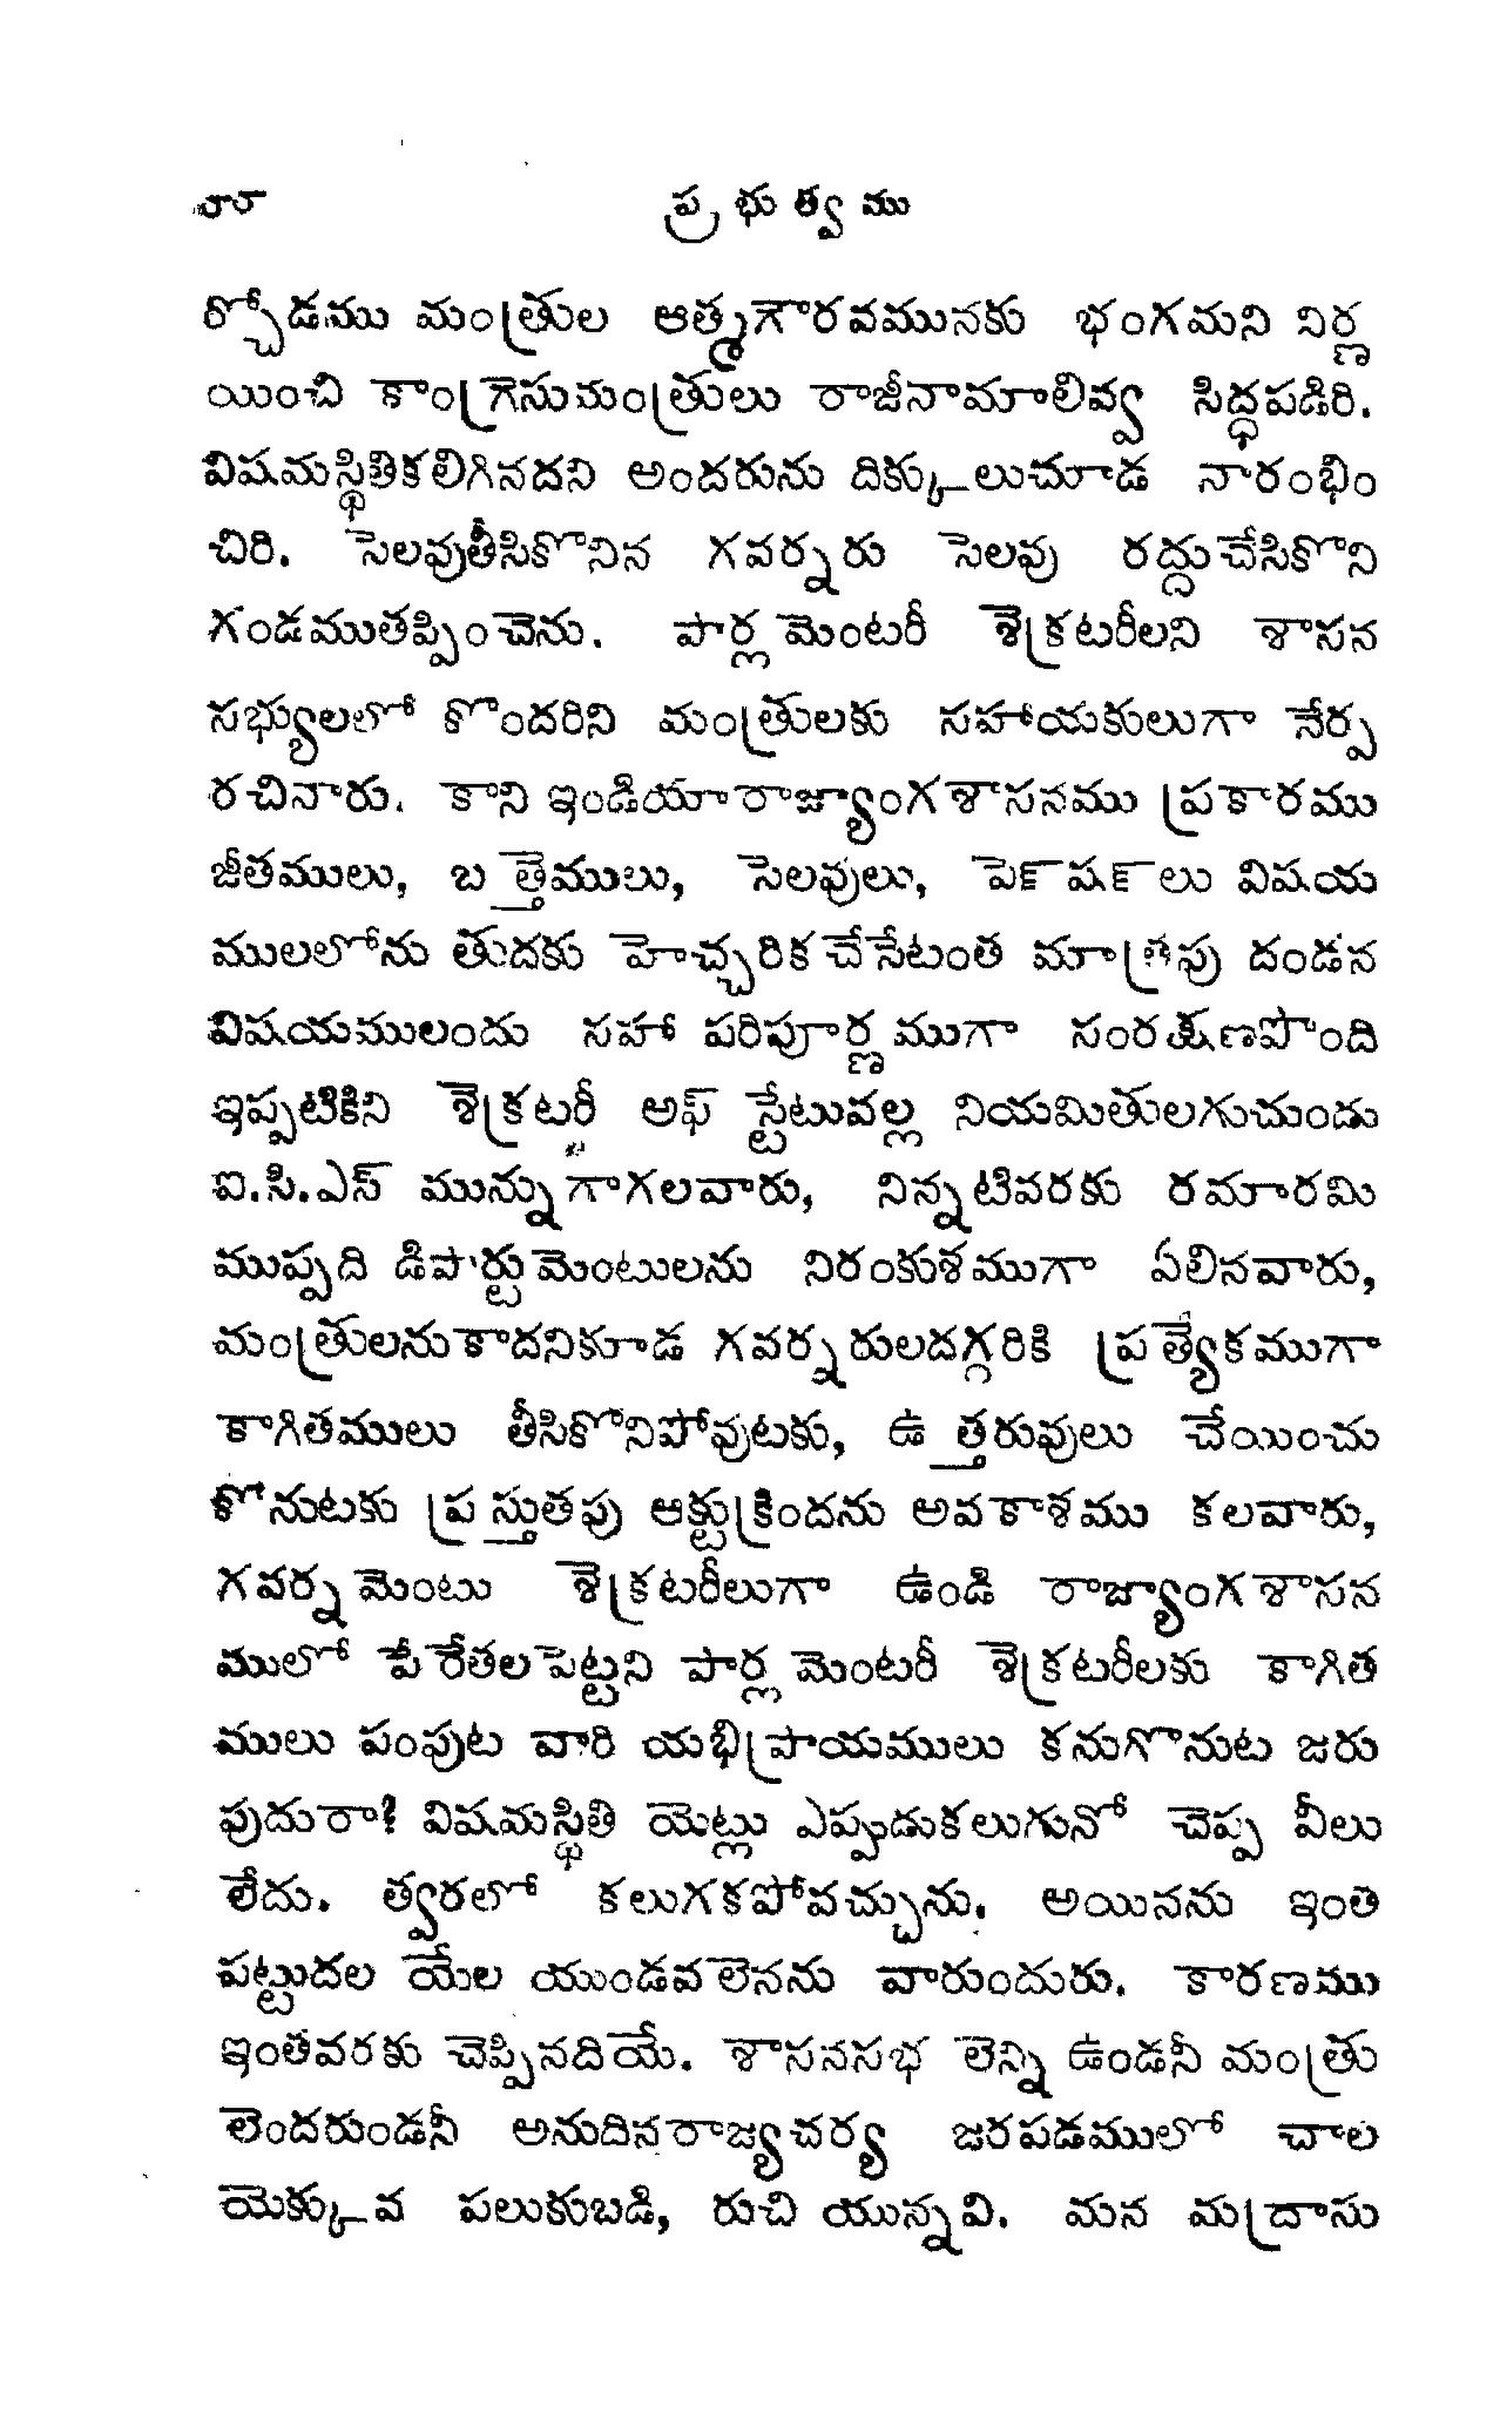ర్చోడము మంత్రుల ఆత్మగౌరవమునకు భంగమని నిర్ణయించి కాంగ్రెసుమంత్రులు రాజీనామాలివ్వ సిద్ధపడిరి. విషమస్థితికలిగినదని అందరును దిక్కులుచూడ నారంభించిరి. సెలవుతీసికొనిన గవర్నరు సెలవు రద్దుచేసికొని గండముతప్పించెను. పార్లమెంటరీ శెక్రటరీలని శాసనసభ్యులలో కొందరిని మంత్రులకు సహాయకులుగా నేర్పరచినారు. కాని ఇండియారాజ్యాంగశాసనము ప్రకారము
జీతములు, బత్తెములు, సెలవులు, పెన్‌షన్‌లు విషయములలోను తుదకు హెచ్చరికచేసేటంత మాత్రపు దండన విషయములందు సహా పరిపూర్ణముగా సంరక్షణపొంది ఇప్పటికిని శెక్రటరీ అఫ్ స్టేటువల్ల నియమితులగుచుండు ఐ. సి. ఎస్ మున్నుగాగలవారు, నిన్నటివరకు రమారమి ముప్పది డిపార్టుమెంటులను నిరంకుశముగా ఏలినవారు, మంత్రులనుకాదనికూడ గవర్నరులదగ్గరికి ప్రత్యేకముగా కాగితములు తీసికొనిపోవుటకు, ఉత్తరువులు చేయించుకొనుటకు ప్రస్తుతపు ఆక్టుక్రిందను అవకాశము కలవారు, గవర్నమెంటు శెక్రటరీలుగా ఉండి రాజ్యాంగశాసనములో పే రేతల పెట్టని పార్ల మెంటరీ శెక్రటరీలకు కాగితములు పంపుట వారి యభిప్రాయములు కనుగొనుట జరుపుదురా? విషమస్థితి యెట్లు ఎప్పుడుకలుగునో చెప్ప వీలులేదు. త్వరలో కలుగకపోవచ్చును. అయినను ఇంత పట్టుదల యేల యుండవలెనను వారుందురు. కారణము ఇంతవరకు చెప్పినదియే. శాసనసభ లెన్ని ఉండనీ మంత్రు లెందరుండనీ అనుదినరాజ్యచర్య జరపడములో చాల యెక్కువ పలుకుబడి, రుచి యున్నవి. మన మద్రాసు